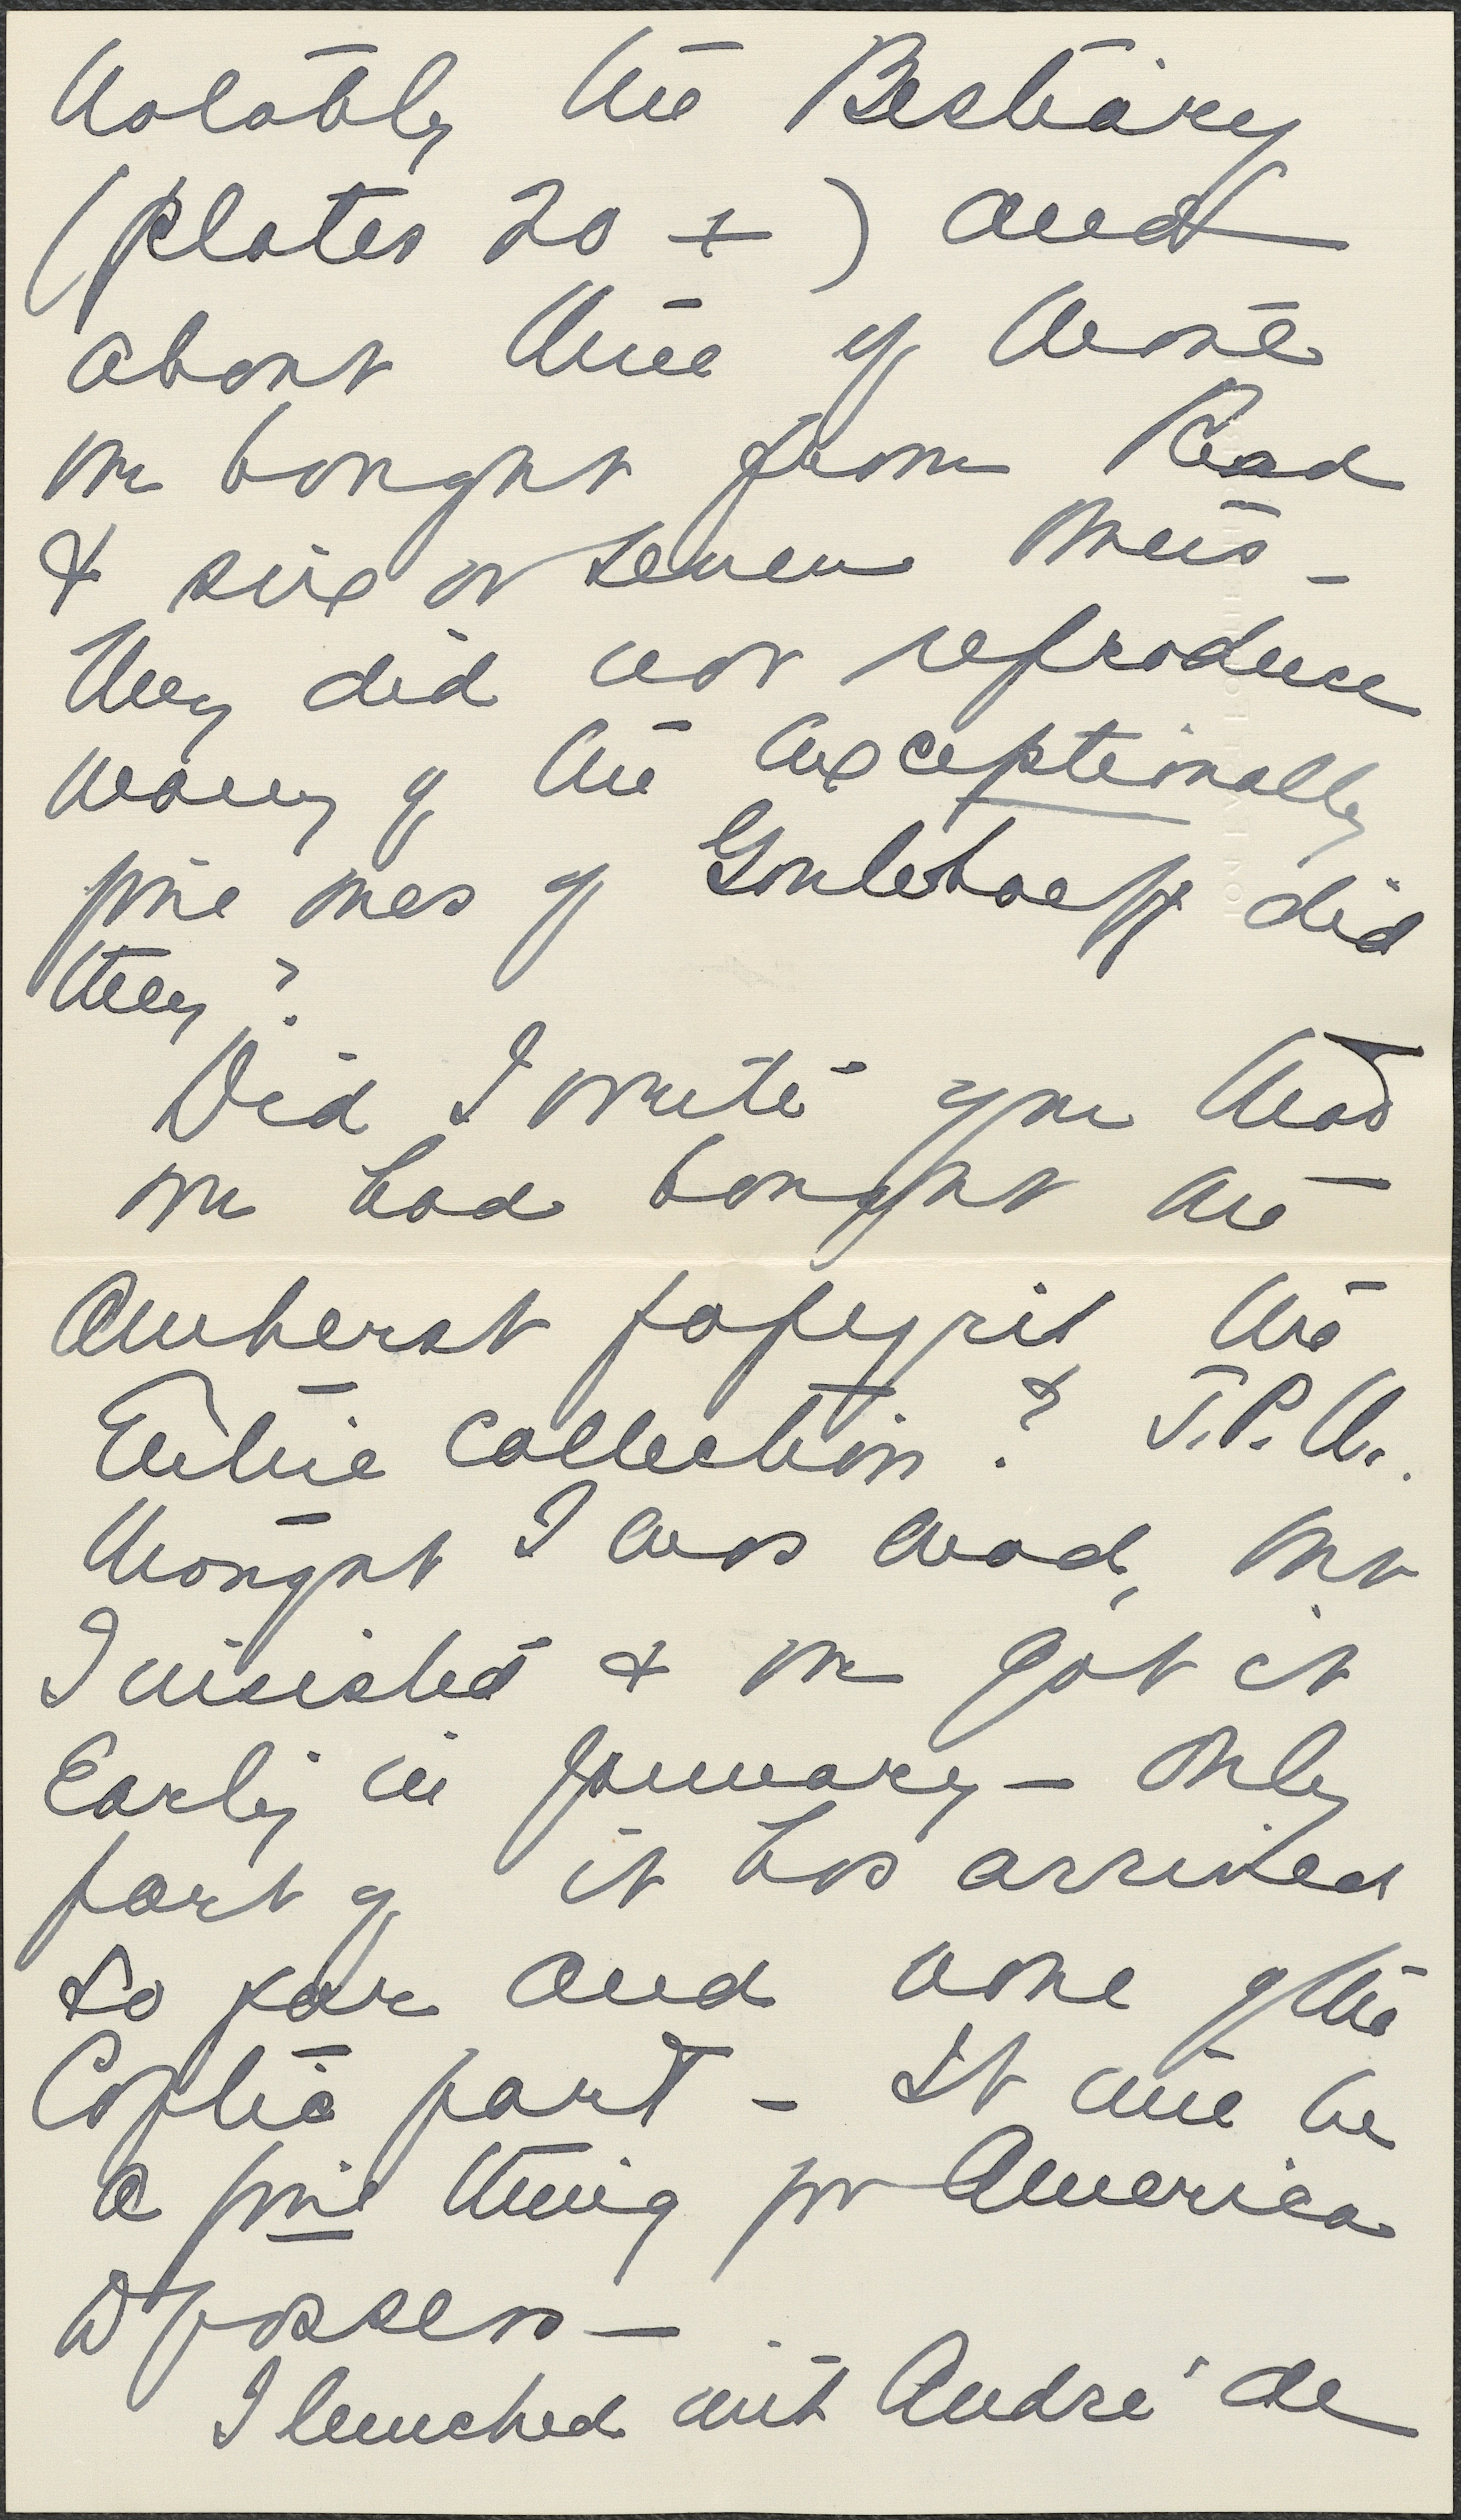notably the Bestiary (plates 20+) and about three of those we bought from Read & six or seven others – They did not reproduce many of the exceptionally fine ones of Gouleboeff [sic] did they?
Did I write you that we had bought the Amherst papyris [sic] the entire collection? J. P. M. thought I was mad, but I insisted & we got it early in January – only part of it has arrived so far and none of the Coptic part – It will be a fine thing for America to possess –
I lunched with André de